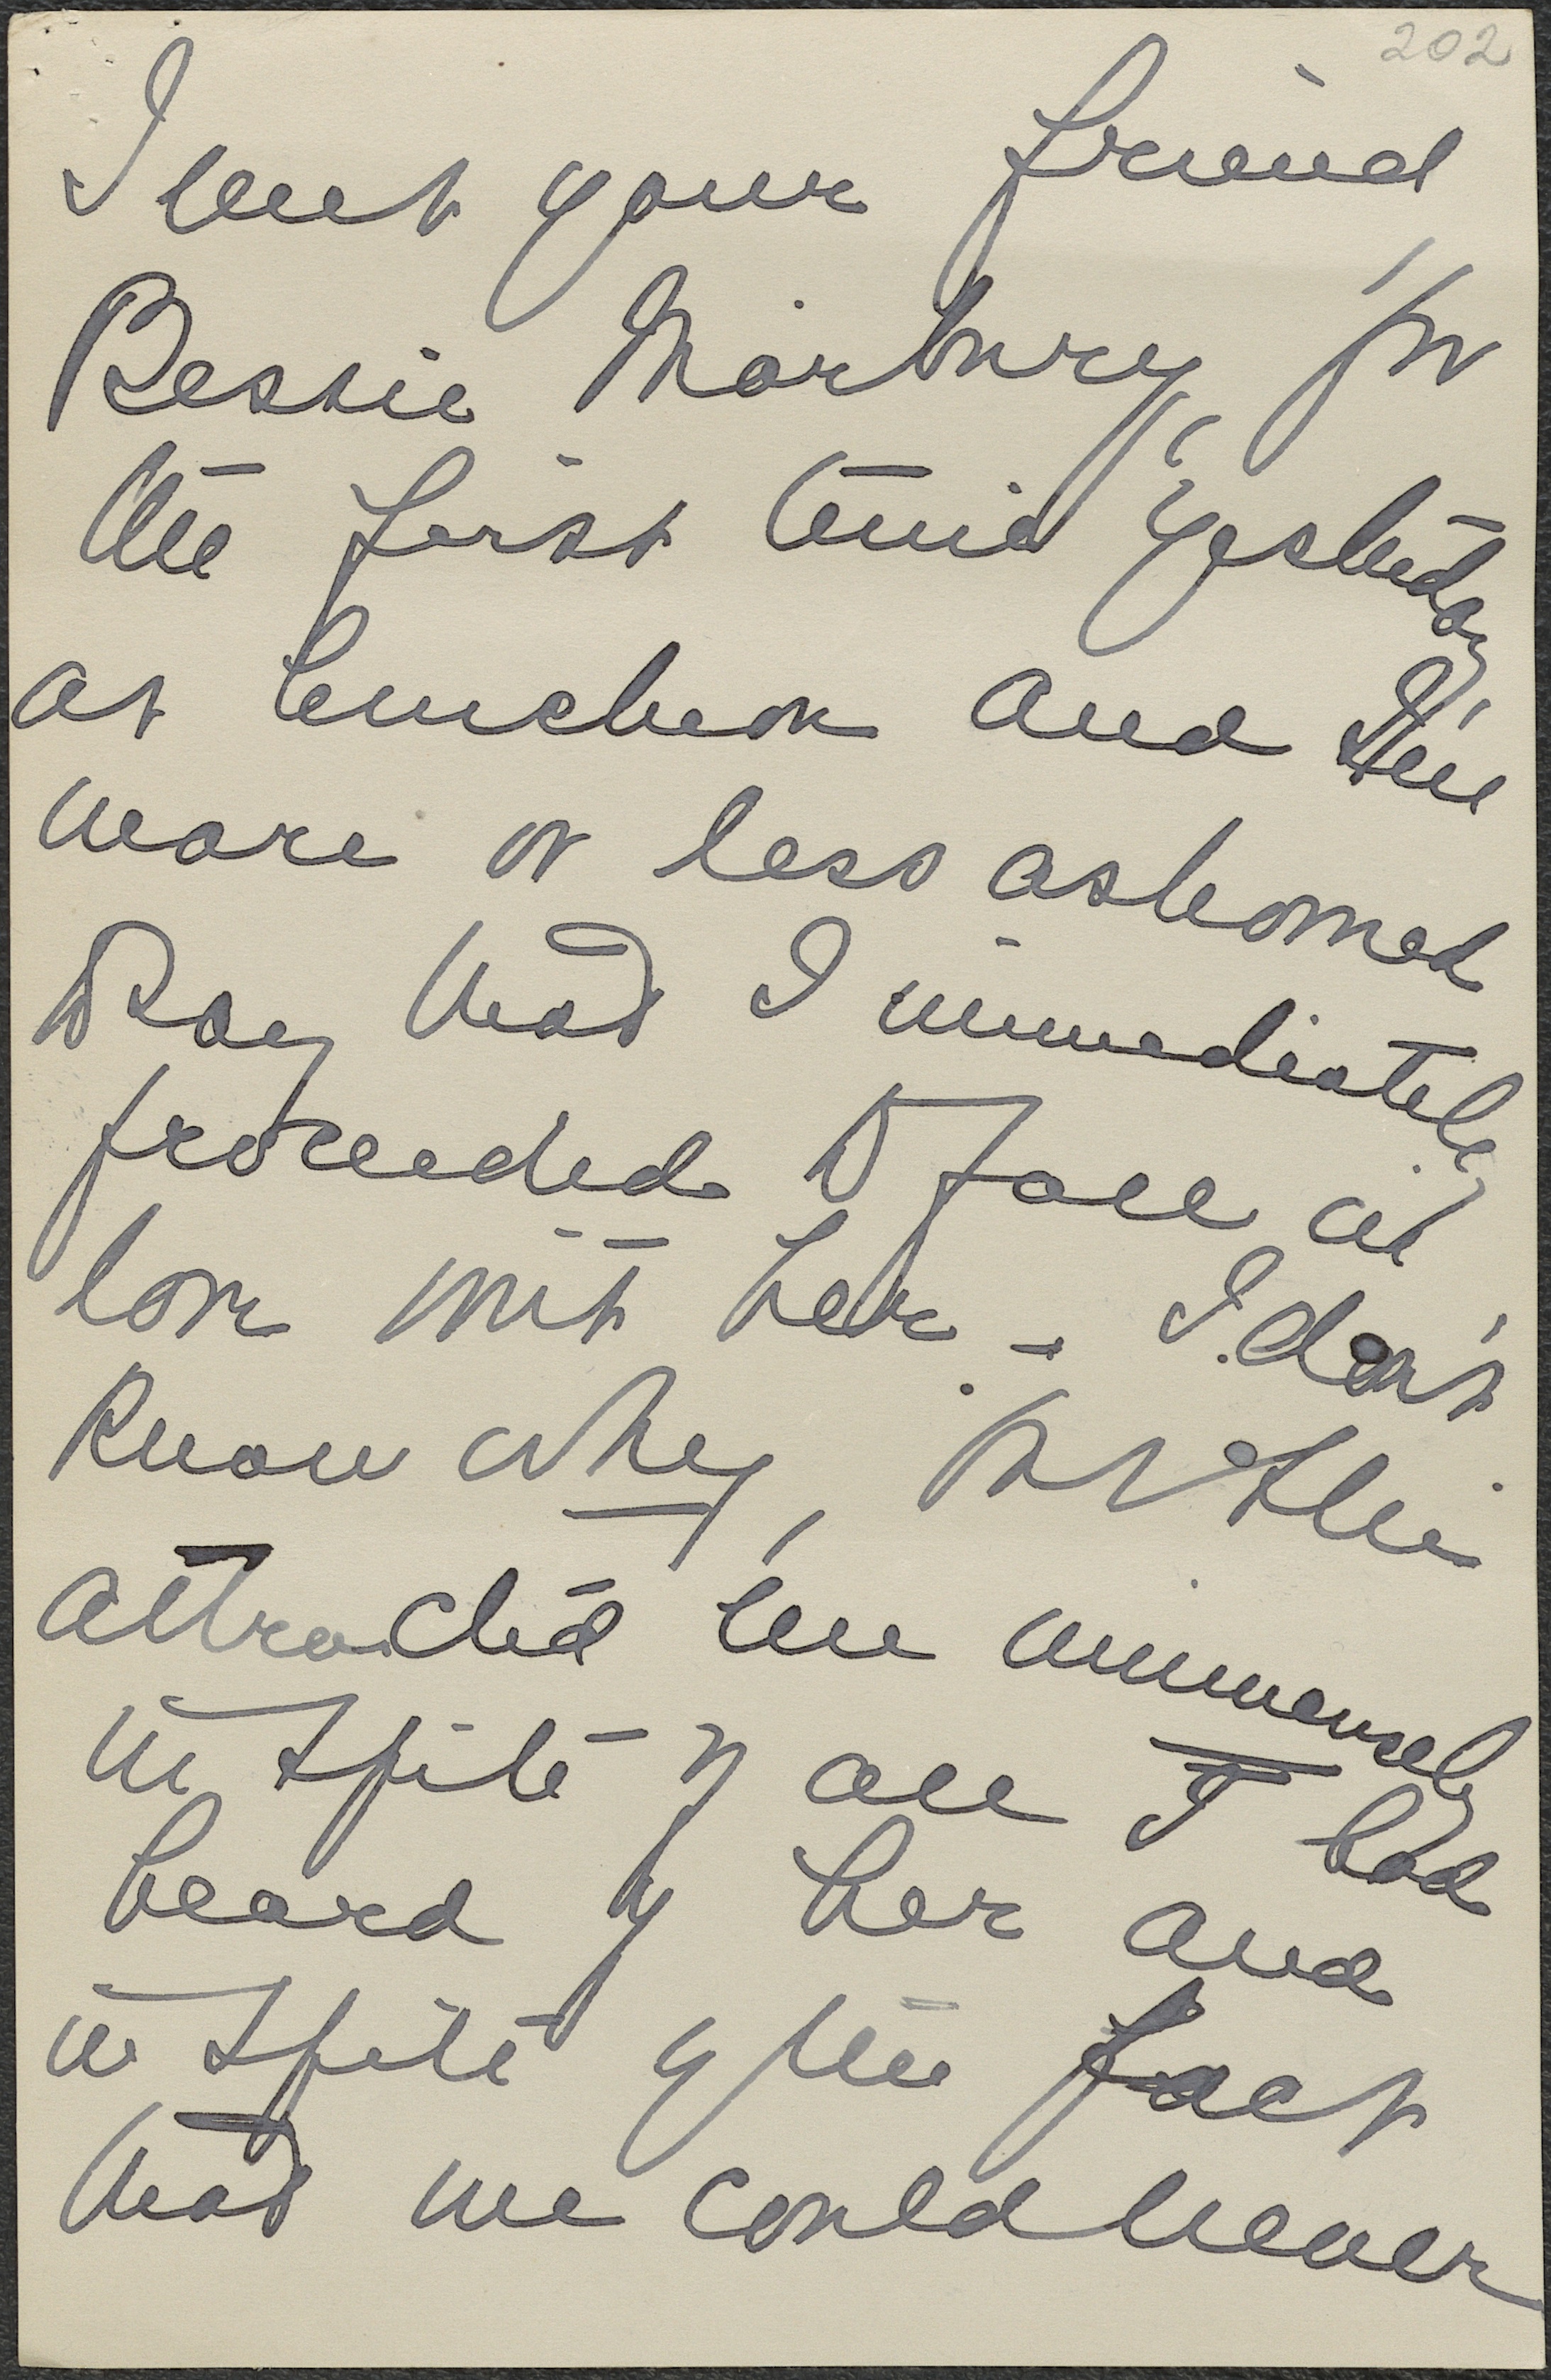I met your friend Bessie Marbury, for the first time yesterday, at luncheon and I’m more or less ashamed to say that I immediately proceeded to fall in love with her – I don’t know why, but she attracted me immensely in spite of all I had heard of her and in spite of the fact that we could never